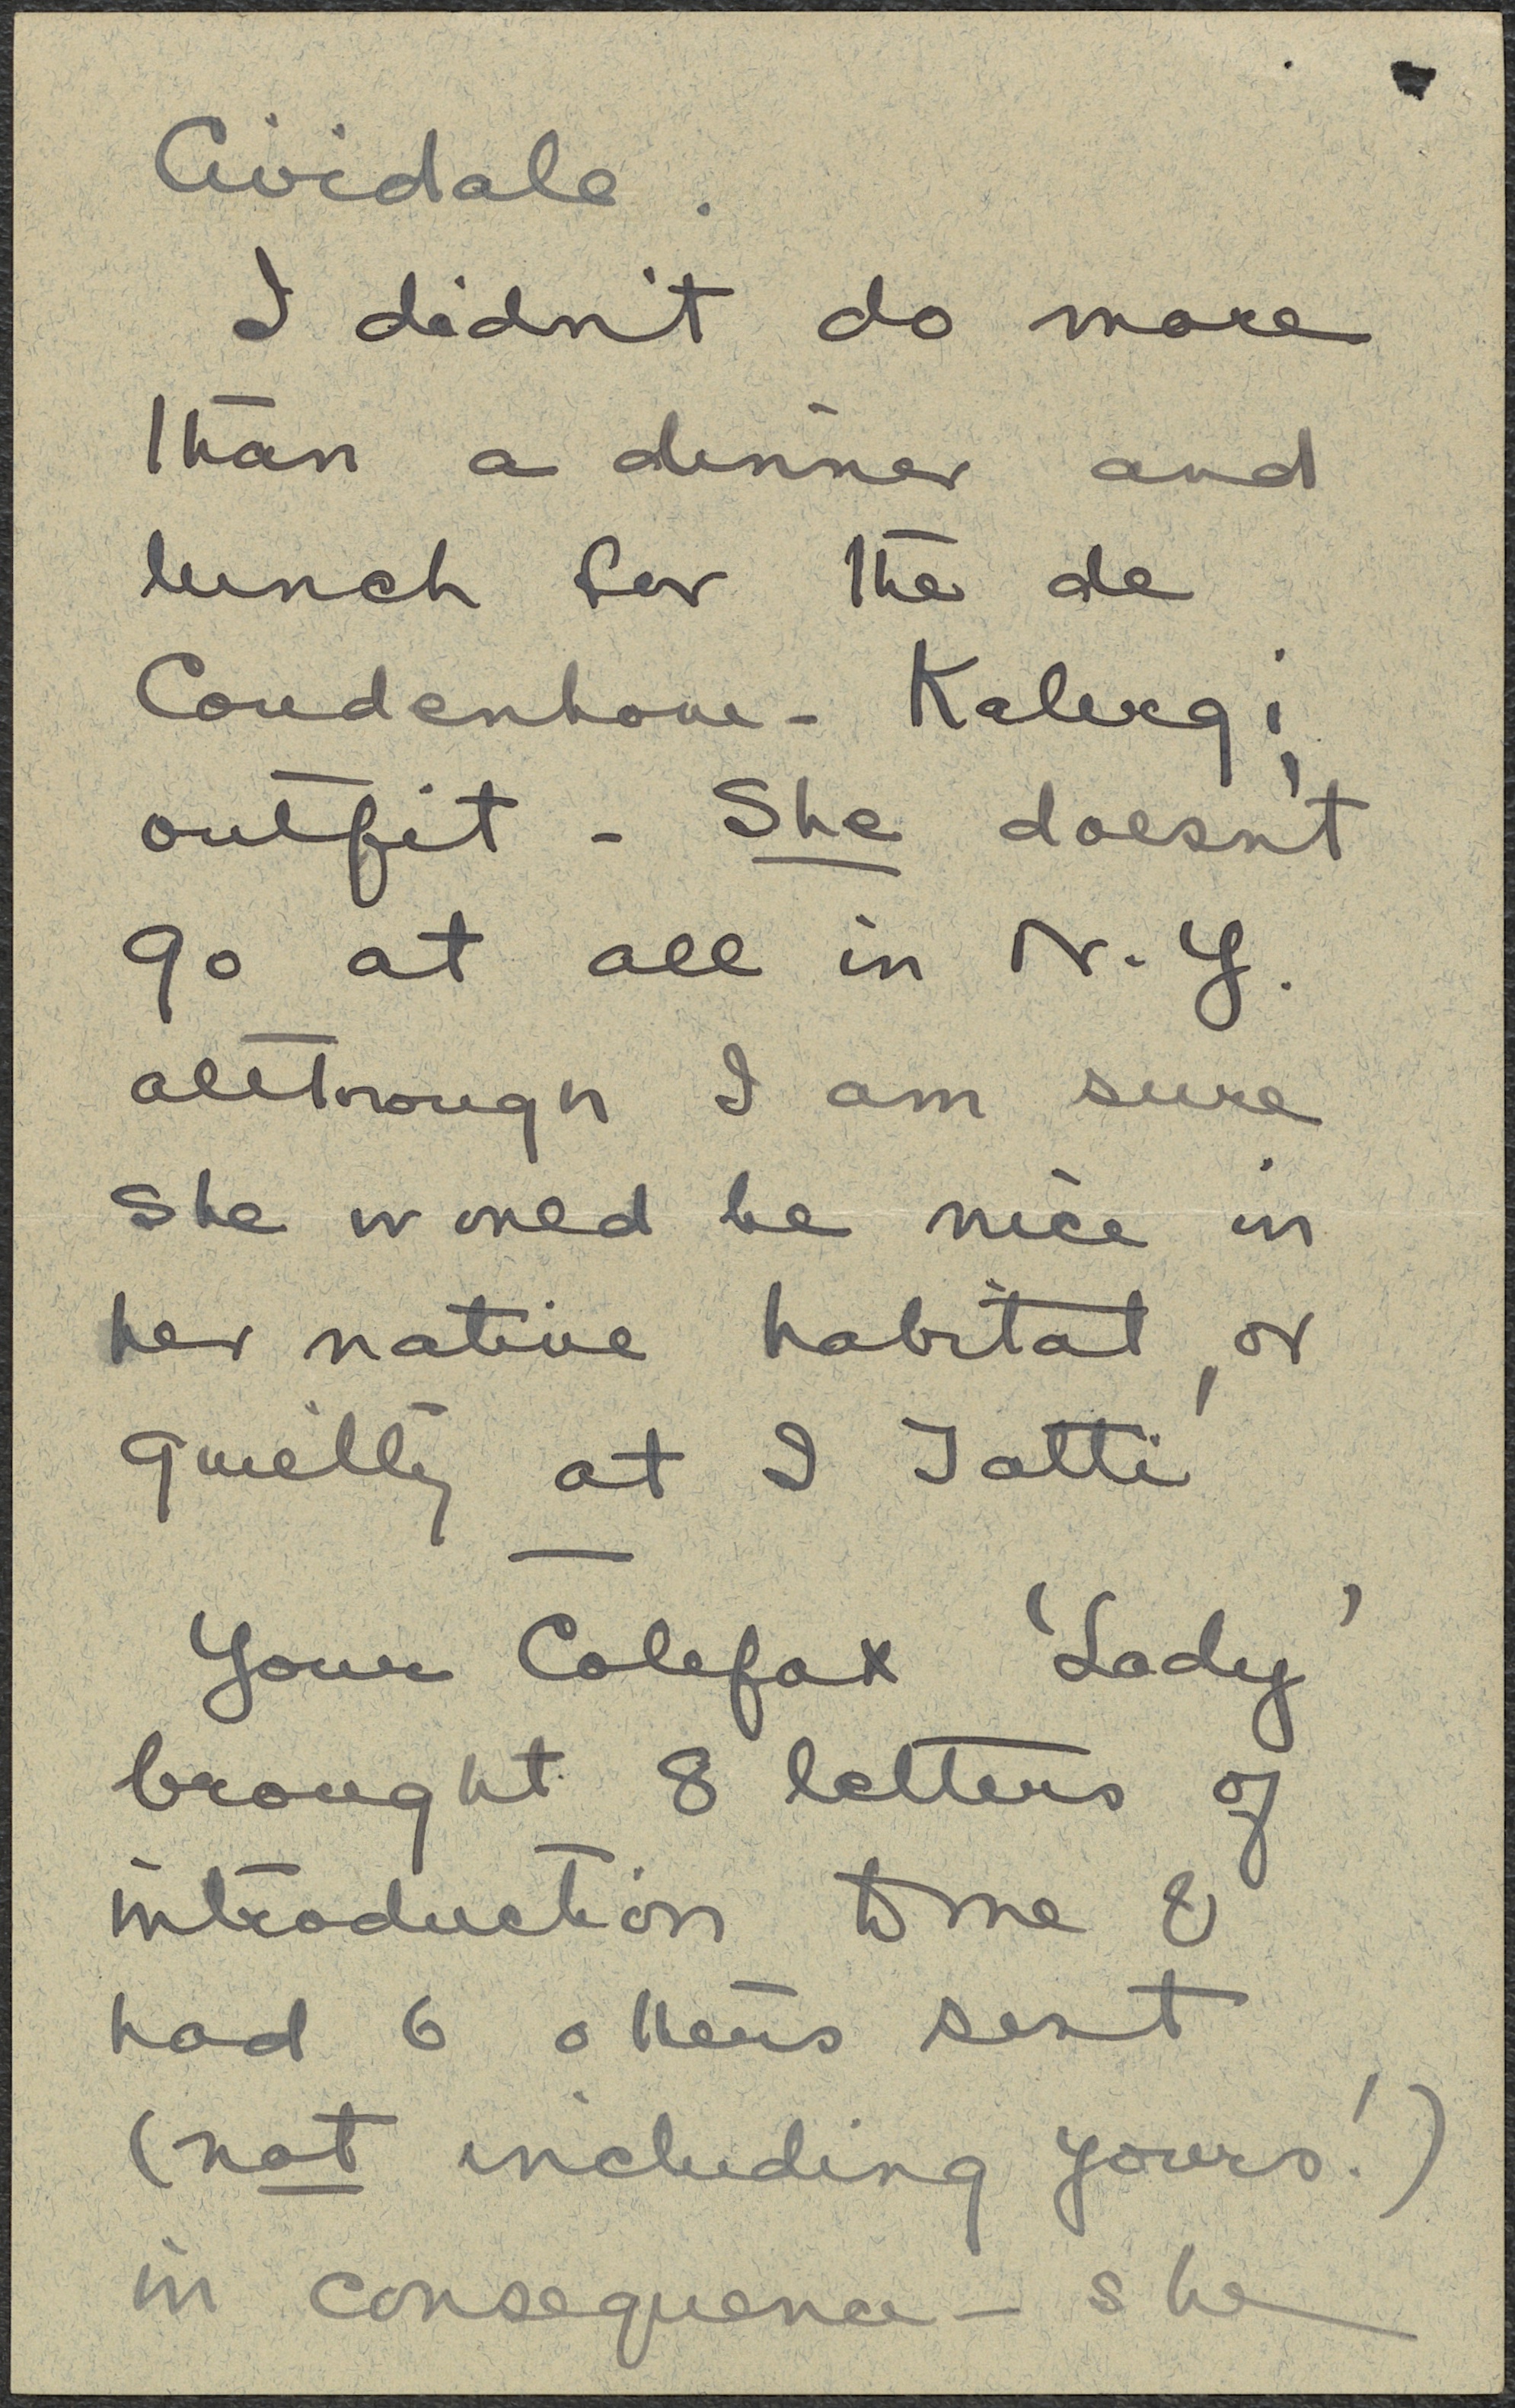Cividale.
I didn’t do more than a dinner and lunch for the de Coudenhove – Kalergi outfit – She doesn’t go at all in N.Y. although I am sure she would be nice in her native habitat, or quietly at I Tatti
Your Colefax ‘Lady’ brought 8 letters of introduction to me I had 6 others sent (not including yours!) in consequence – she